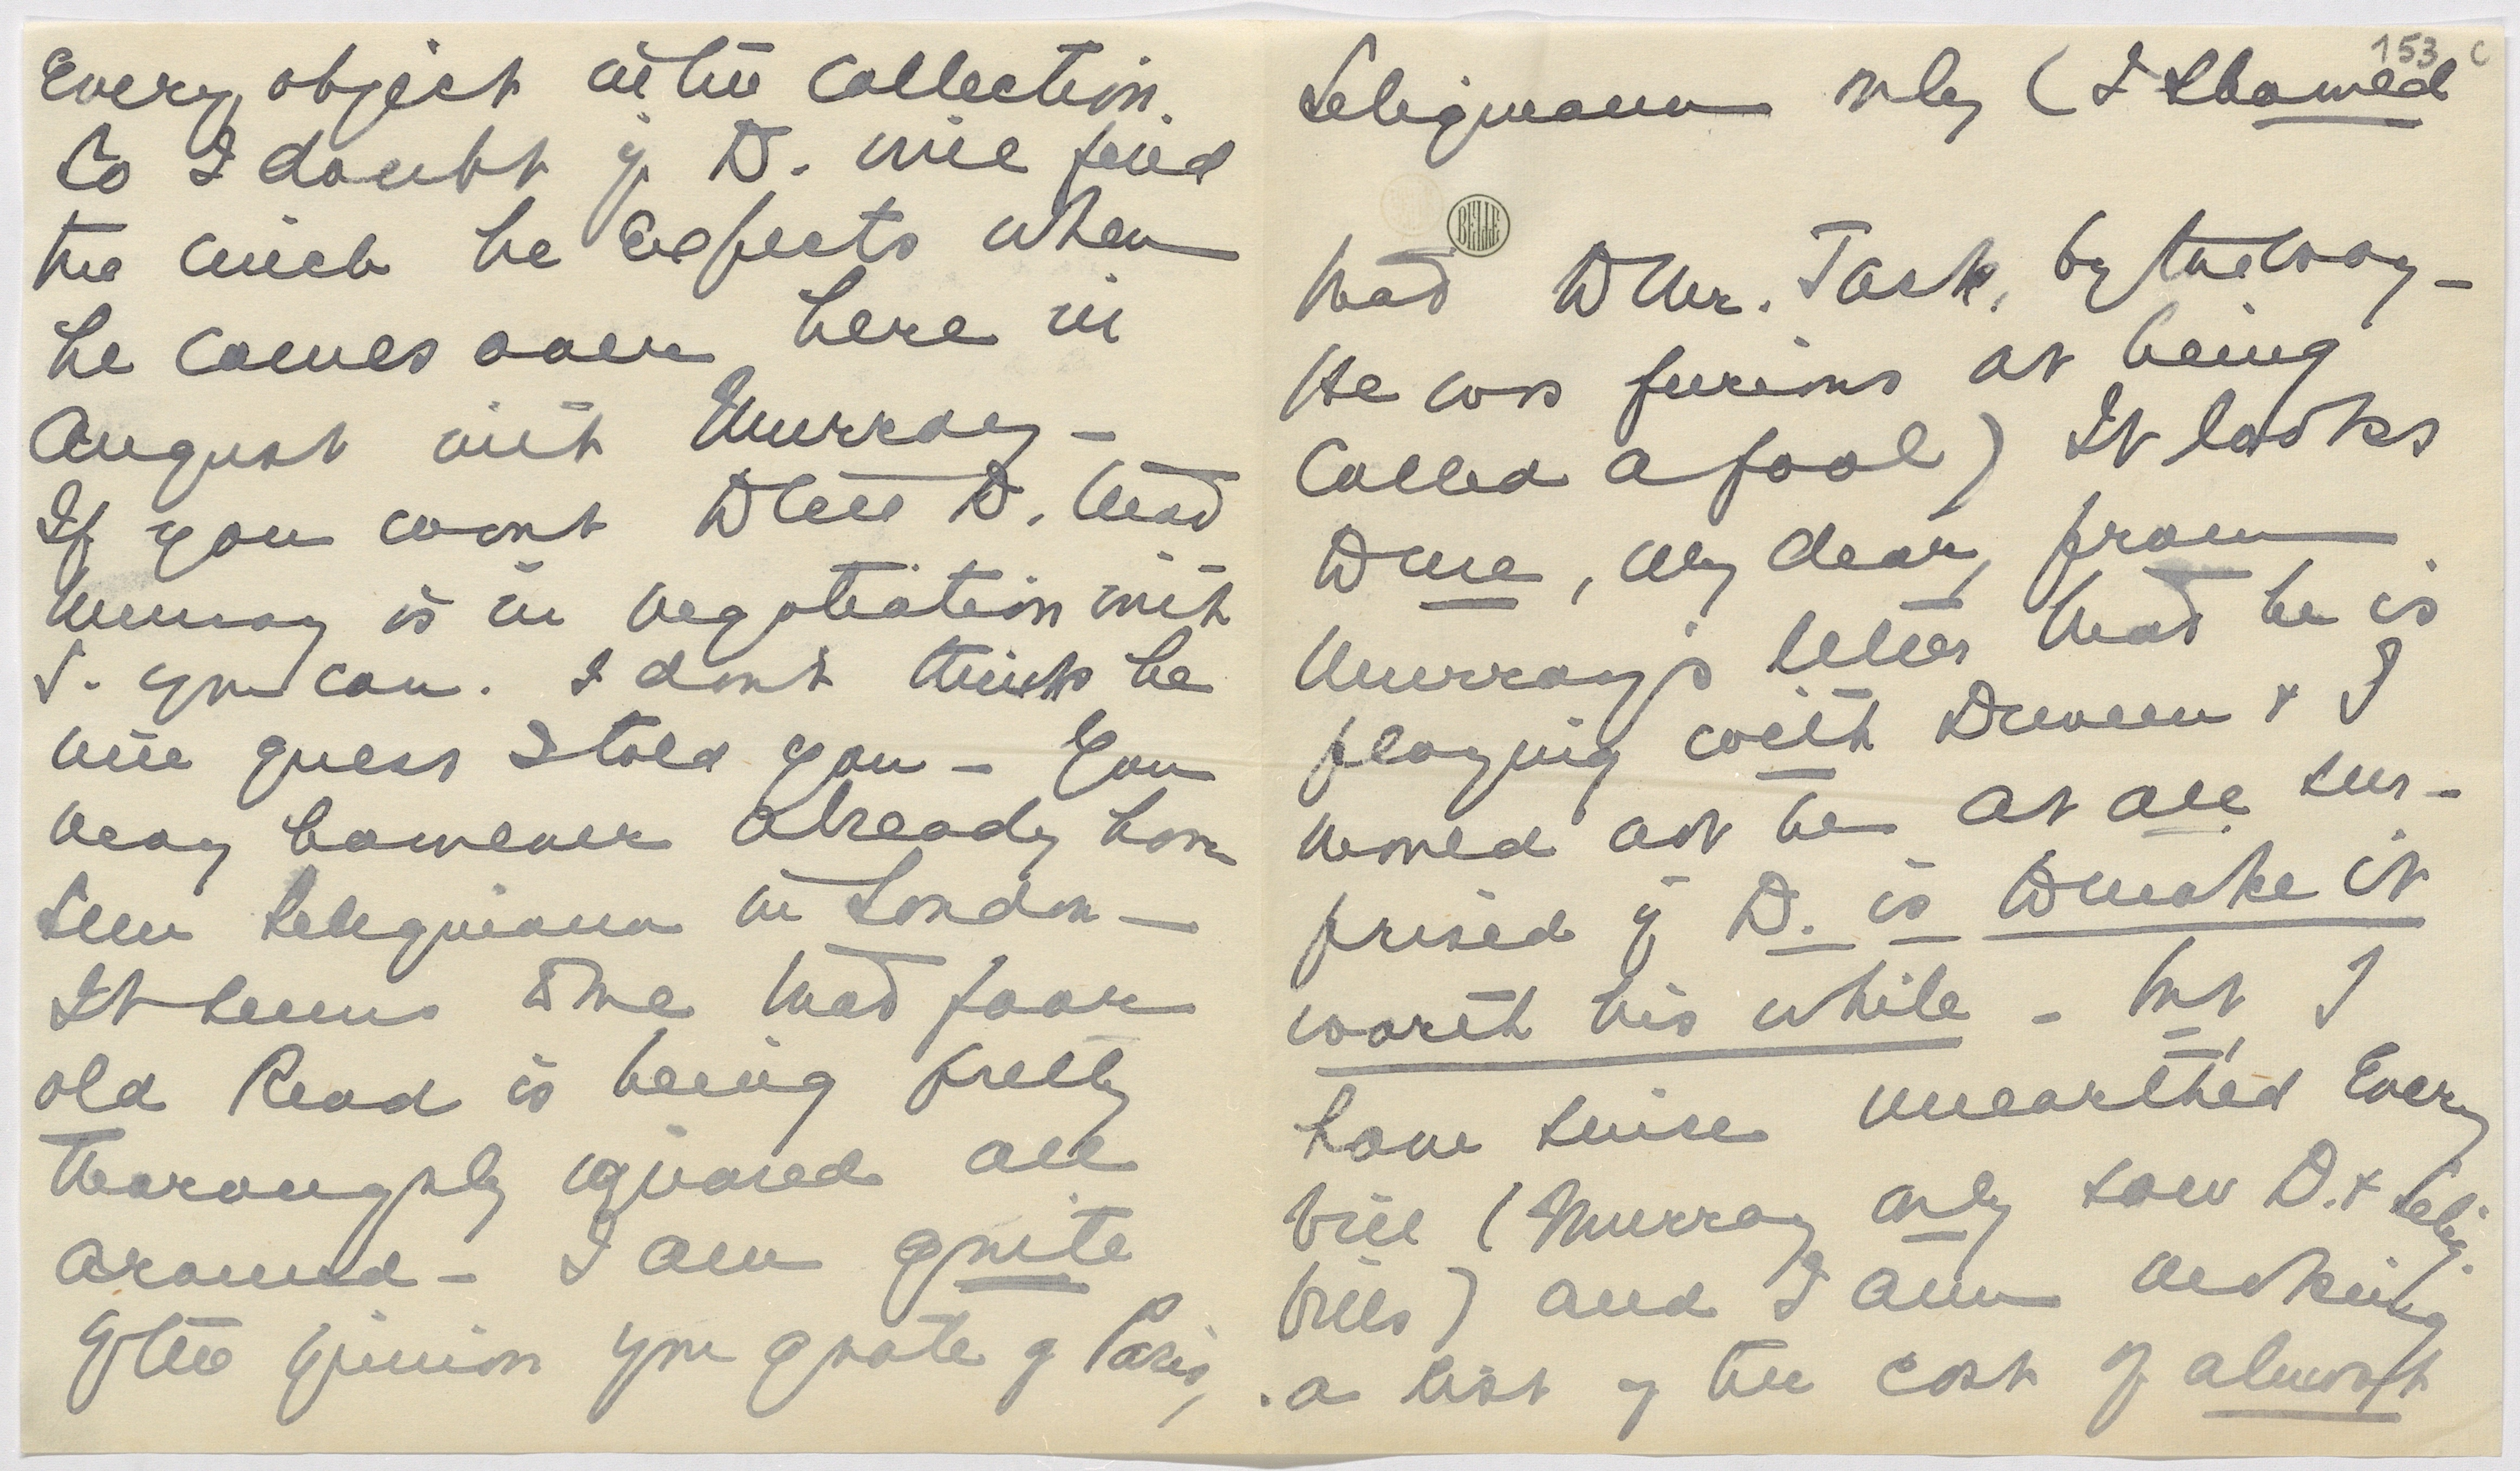Seligmann only (I showed that to Mr. Jack, by the way – He was furious at being called a fool) It looks to me, my dear, from Murray’s letter that he is playing with Duveen & I would not be at all surprised if D. is to make it worth his while – but I have since unearthed every bill (Murray only saw D. & Selig. bills) and I am making a list of the cost of almost
every object in the collection. So I doubt if D. will find the cinch he expects when he comes over here in August with Murray – If you want to tell D. that Murray is in negotiation with S. you can. I don’t think he will guess I told you – You may however already have seen Seligmann in London – It seems to me that poor old Read is being pretty thoroughly ignored all around – I am [double underlined: quite] of the opinion you quote of Paris,